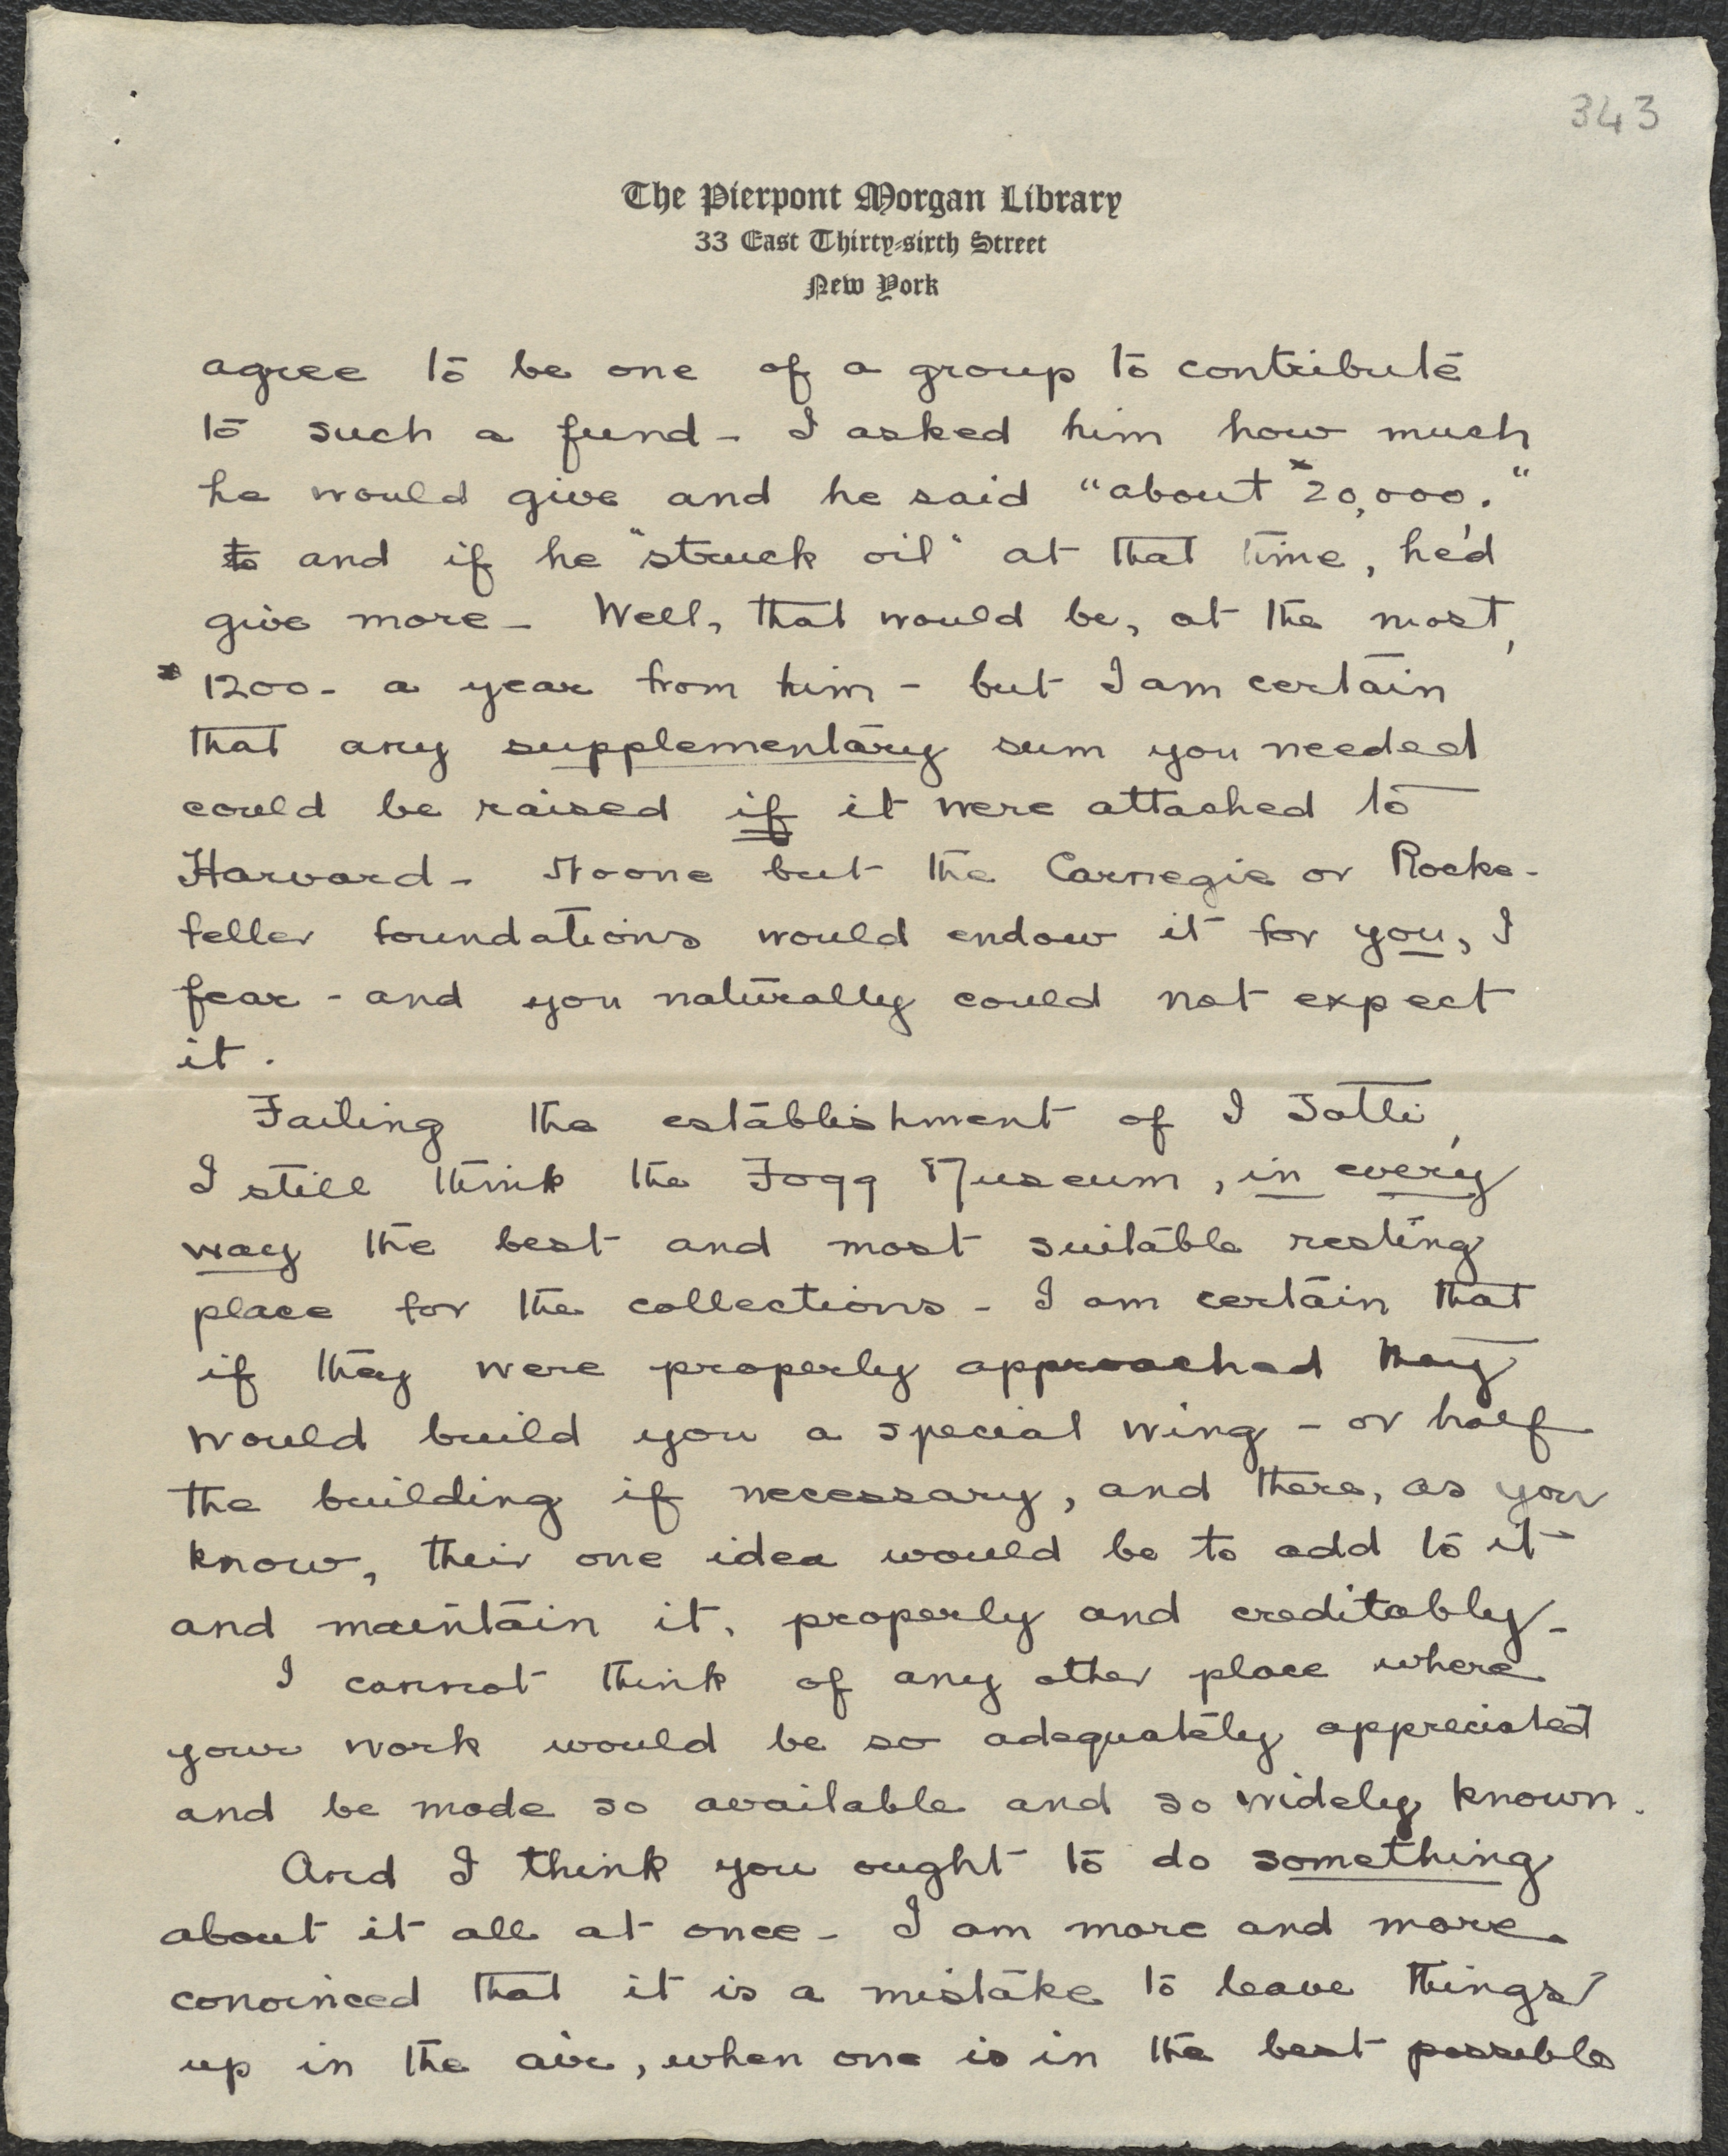agree to be one of a group to contribute to such a fund – I asked him how much he would give and he said "about $20,000." to and if he "struck oil" at that time, he'd give more – Well, that would be, at the most, $1200. a year from him – but I am certain that any supplementary sum you needed could be raised [double underlined: if] it were attached to Harvard. Noone [sic] but the Carnegie or Rockefeller foundations would endow it for you, I fear – and you naturally could not expect it.
Failing the establishment of I Tatti, I still think the Fogg Museum, in every way the best and the most suitable resting place for the collections – I am certain that if they were properly approached they would build you a special wing – of half the building if necessary, and there, as you know, their one idea would be to add to it and maintain it, properly and creditably.
I cannot think of any other place where your work would be so adequately appreciated and be made so available and so widely known.
And I think you ought to do something about it all at once – I am more and more convinced that it is a mistake to leave things up in the air, when one is in the best possible